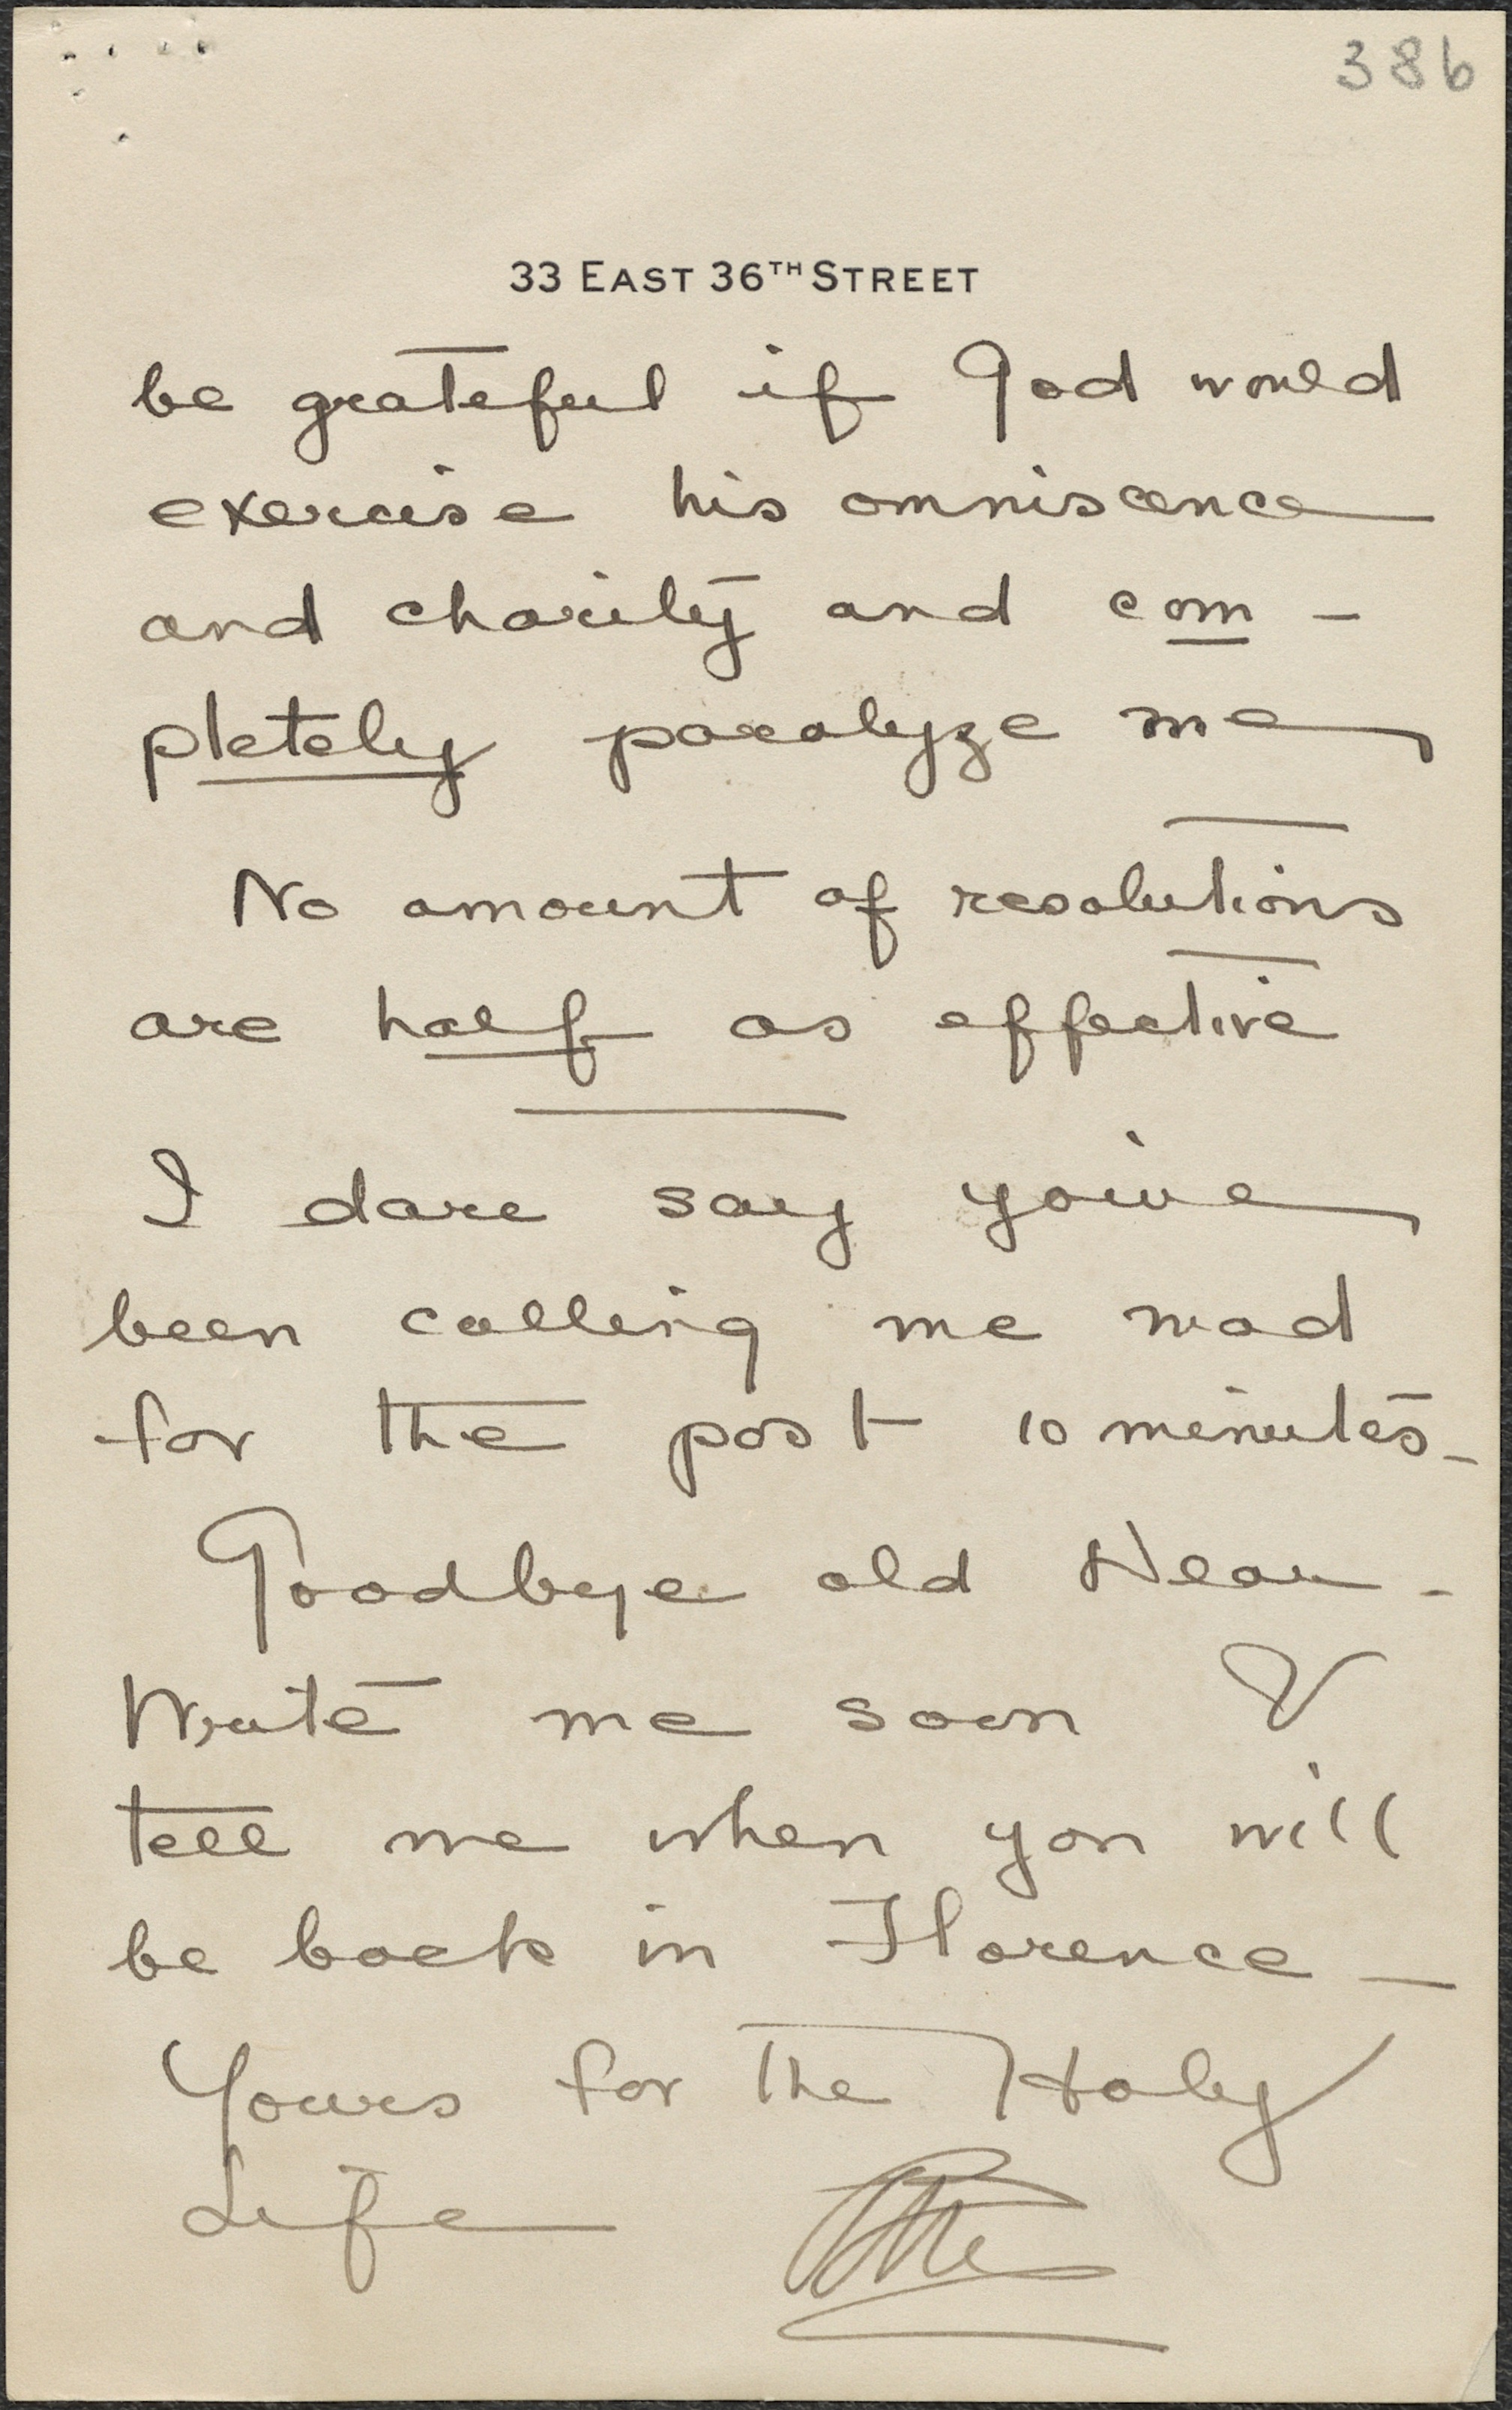be grateful if God would exercise his omniscence [sic] and charity and completely paralyze me
No amount of resolutions are half as effective
I dare say you’ve been calling me mad for the past 10 minutes –
Goodbye old Dear – write me soon & tell me when you will be back in Florence –
Yours for the Holy Life
Belle